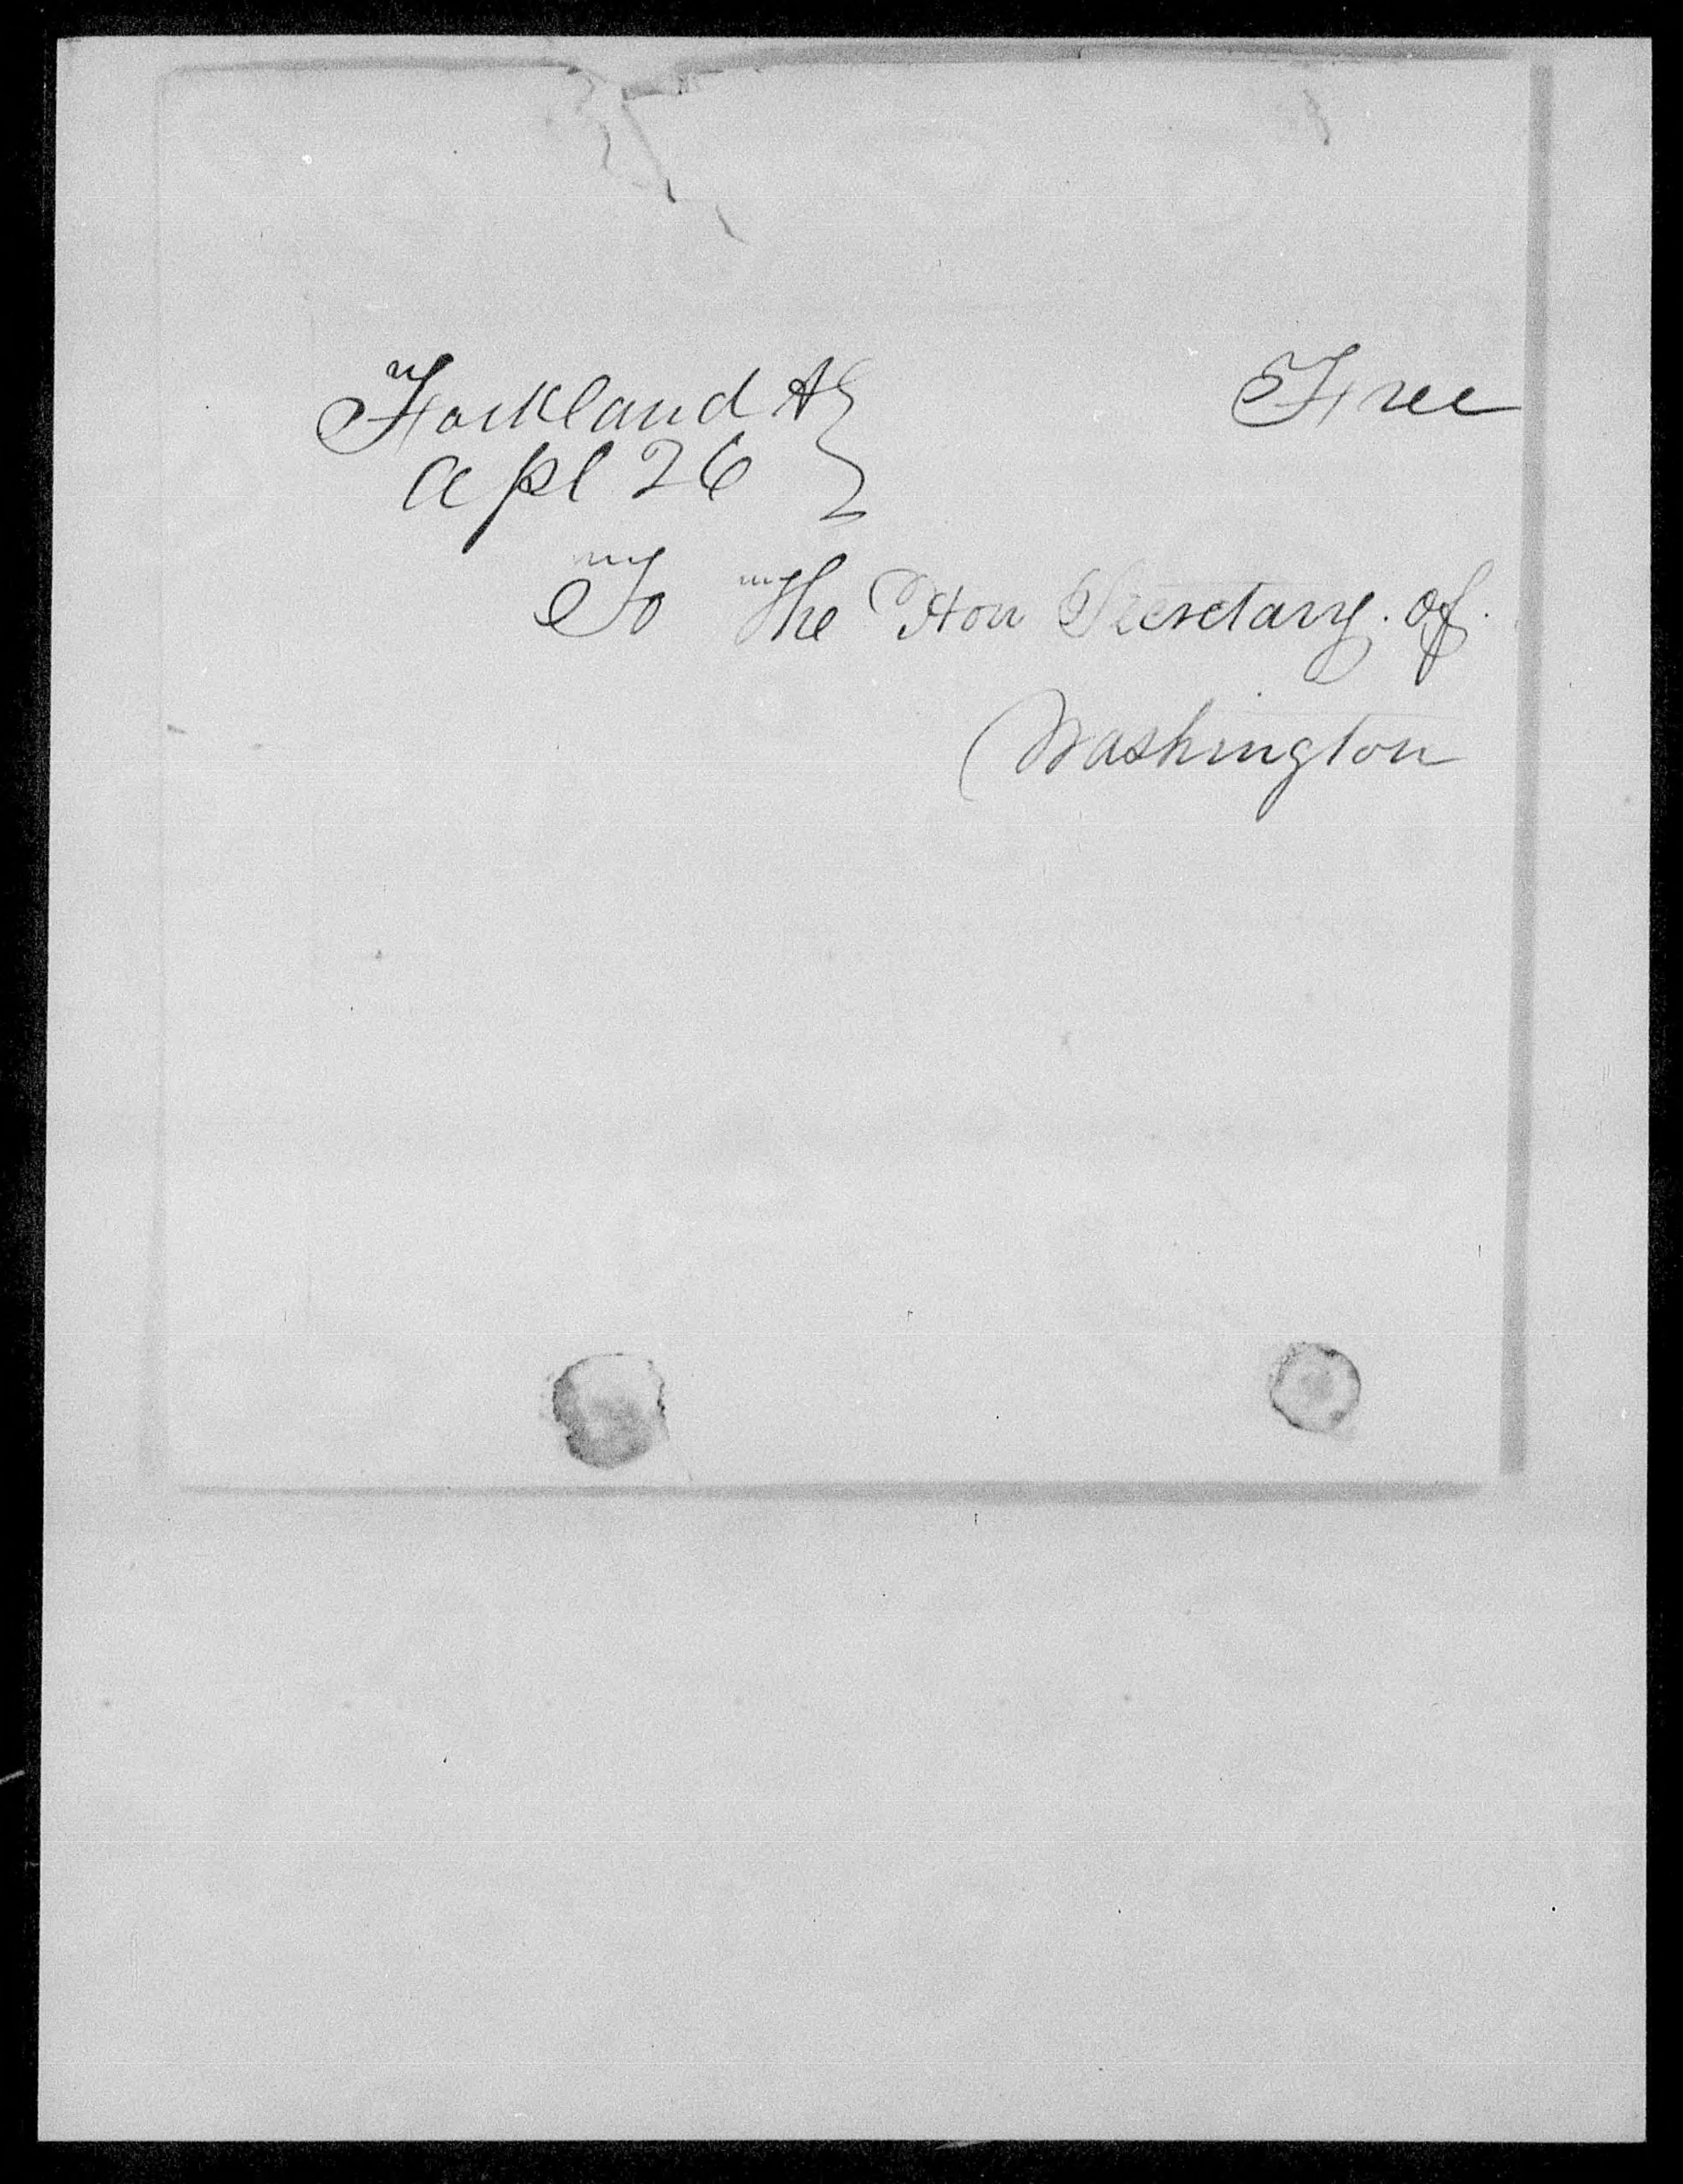F[illegible]land A} Free
Apl 26}
To The Hon Secretary of
Washington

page: 29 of 45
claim: survivor's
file: S. 13,890, for James Mc Carter, South Carolina